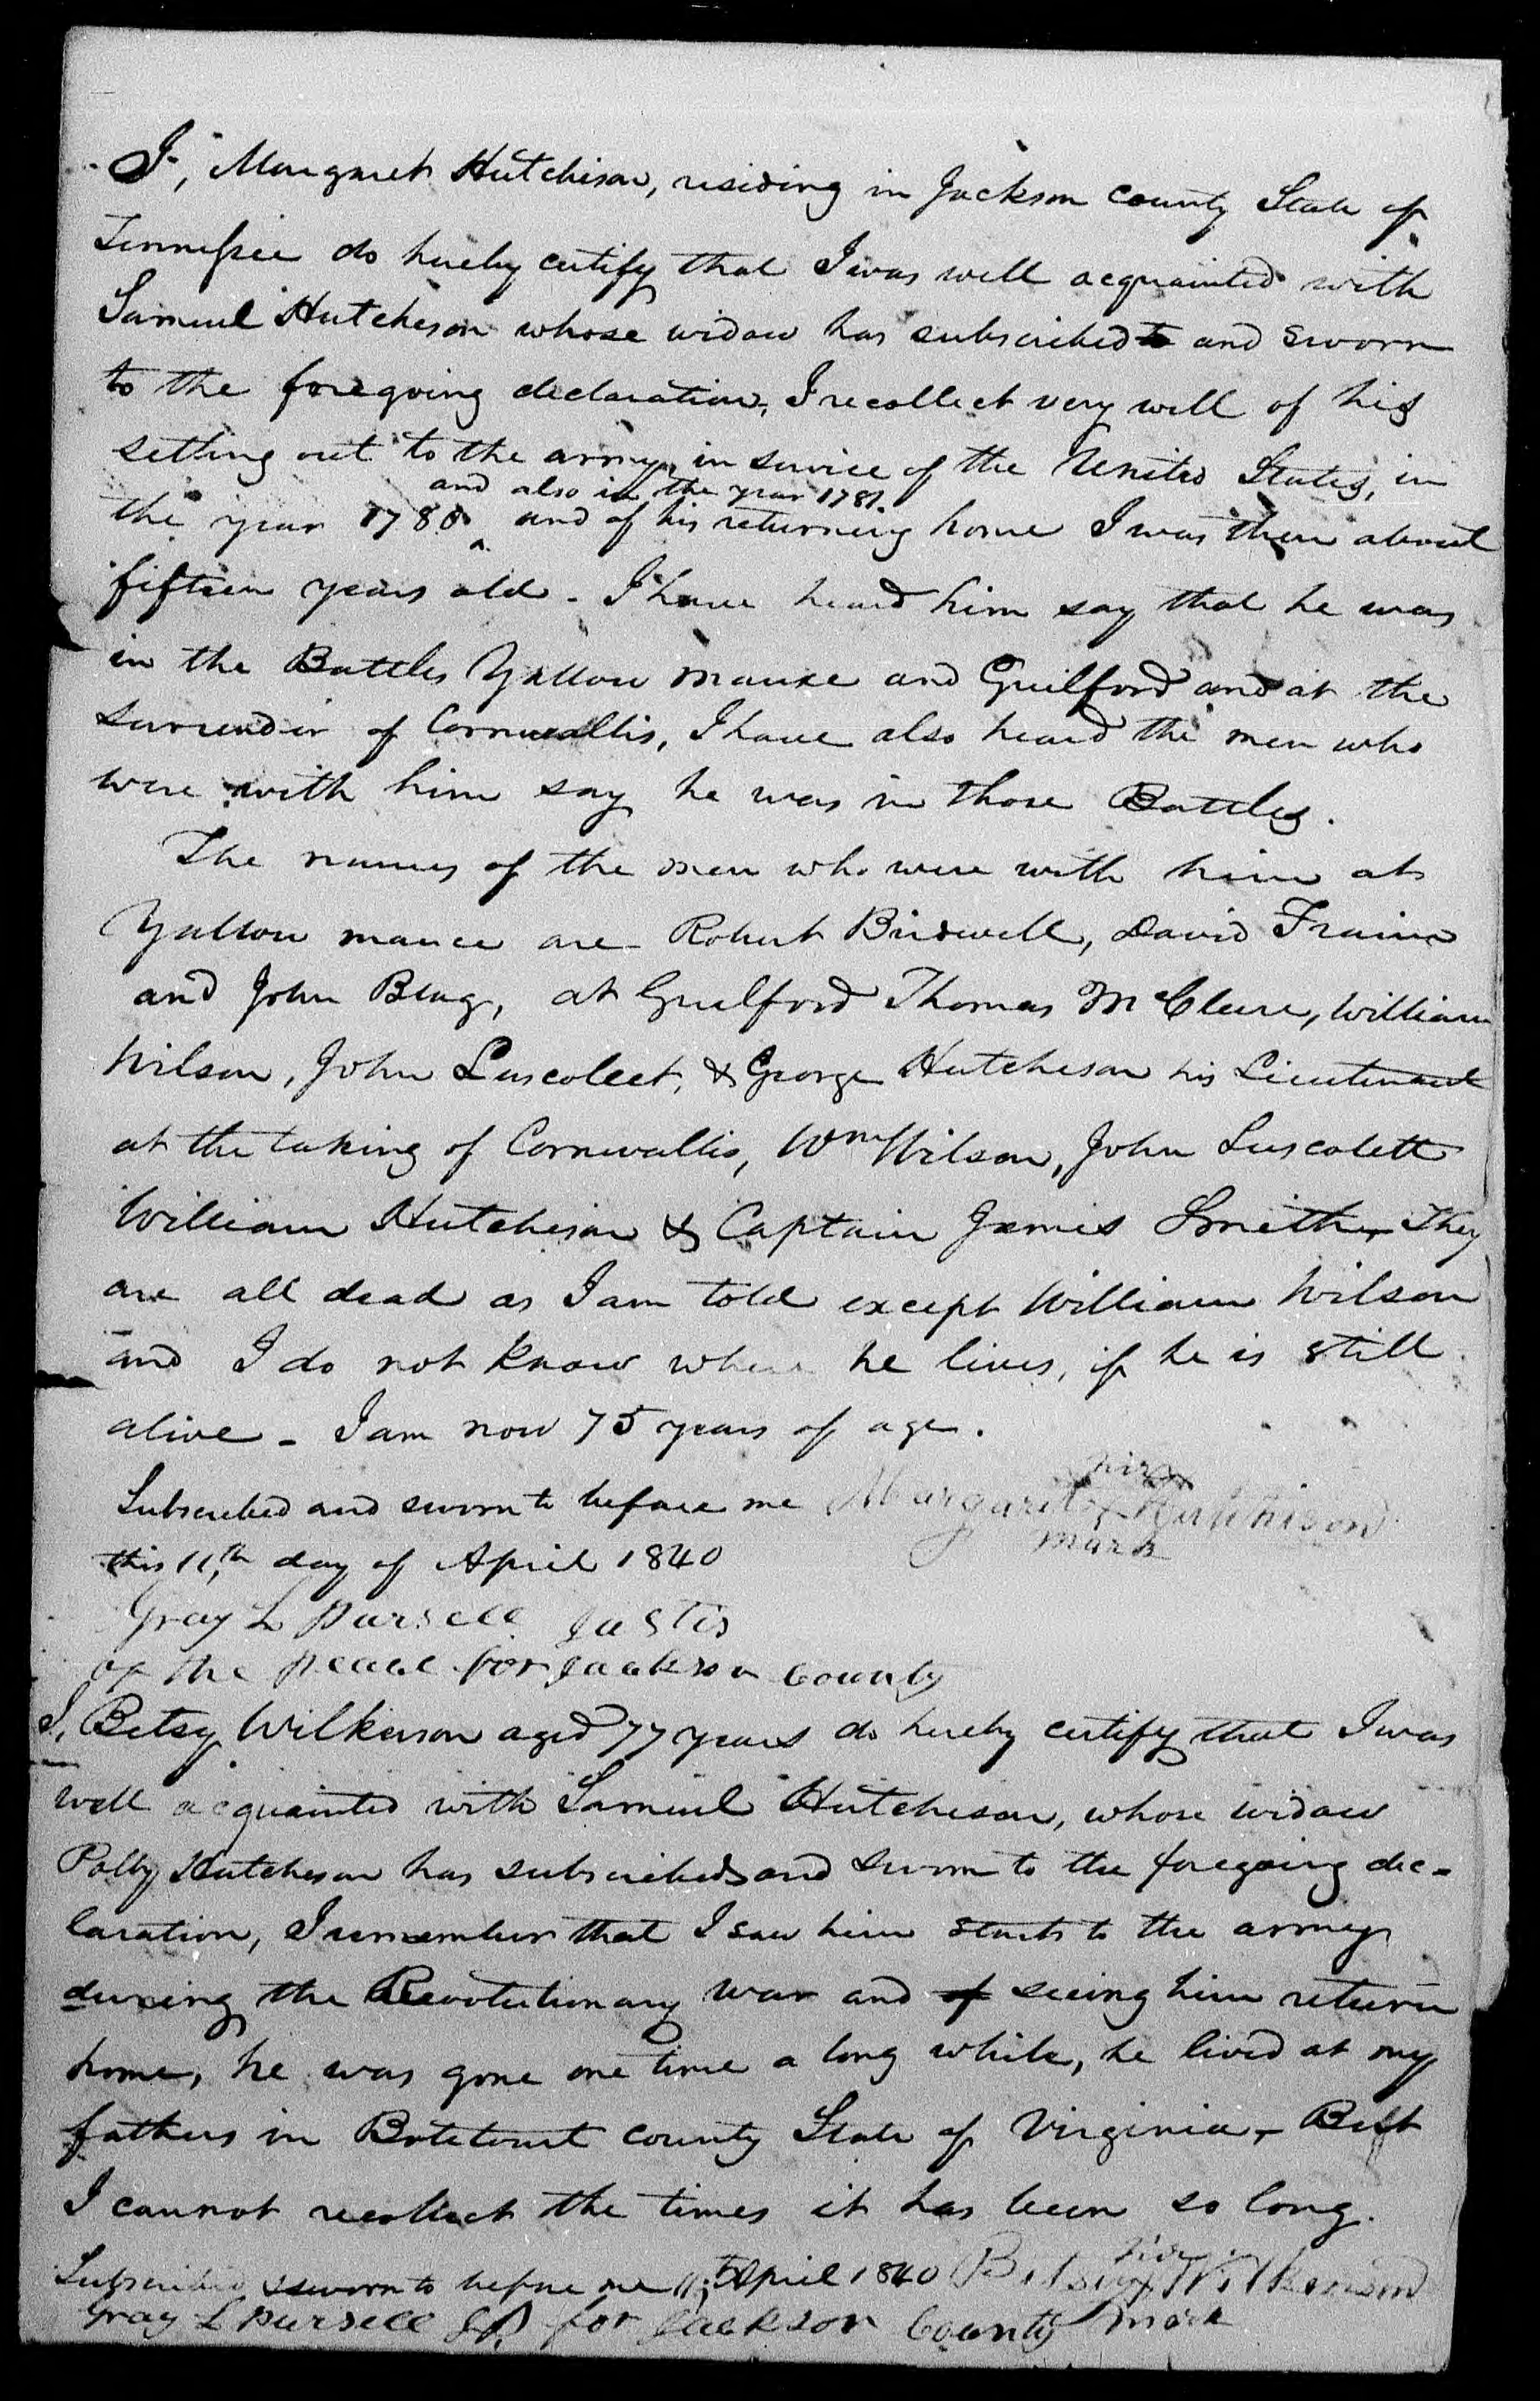I, Margaret Hutchison, residing in Jackson County State of Tennessee do hereby certify that I was well acquainted with Samuel Hutchison whose widow has subscribed to and sworn to the foregoing declaration. I recollect very well of his setting out to the Army in service of the United States in the year 1780 [^ and also in the year 1781], and of his returning home. I was then about fifteen [15] years old. I have heard him say that he was in the Battles [of] Yellow Manse and Guilford and at the surrender of Cornwallis. I have also heard the men who were with him say he was in those Battles. 

The names of the men who were with him at Yellow Mance are Robert Bridwell, David Fraim and John Blug [?], at Guilford Thomas McClure,1 William Wilson, John Luscolect, & George Hutchison his Lieutenant at the taking of Cornwallis, Wm [William] Wilson, John Luscolett, William Hutchison & Captain James Smith. They are all dead as I am told except William Wilson and I do not know where he lives, if he is still alive. I am now 75 years of age.

Subscribed and sworn to before me this 11th day of April 1840 

Gray L. Pursell, Justis [Justice] of the peace for Jackson County

Margaret [her x mark] Hutchison

I Betsey Wilkerson aged 77 years do hereby certify that I was well acquainted with Samuel Hutchison, whose widow Polly Hutchison has subscribed & sworn to the foregoing declaration, I remember that I saw him start to the Army during the Revolutionary War and of seeing him return home, he was gone one time a long while, he lived at my father's in Botetourt County State of Virginia – but I cannot recollect the times it has been so long. 

Subscribed & sworn to before me 11th of April 1840 
Gray L Pursell, JP for Jackson County
Betsey [her x mark] Wilkerson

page: 9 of 19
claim: rejected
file: R. 5442, for Samuel Hutchison, Virginia